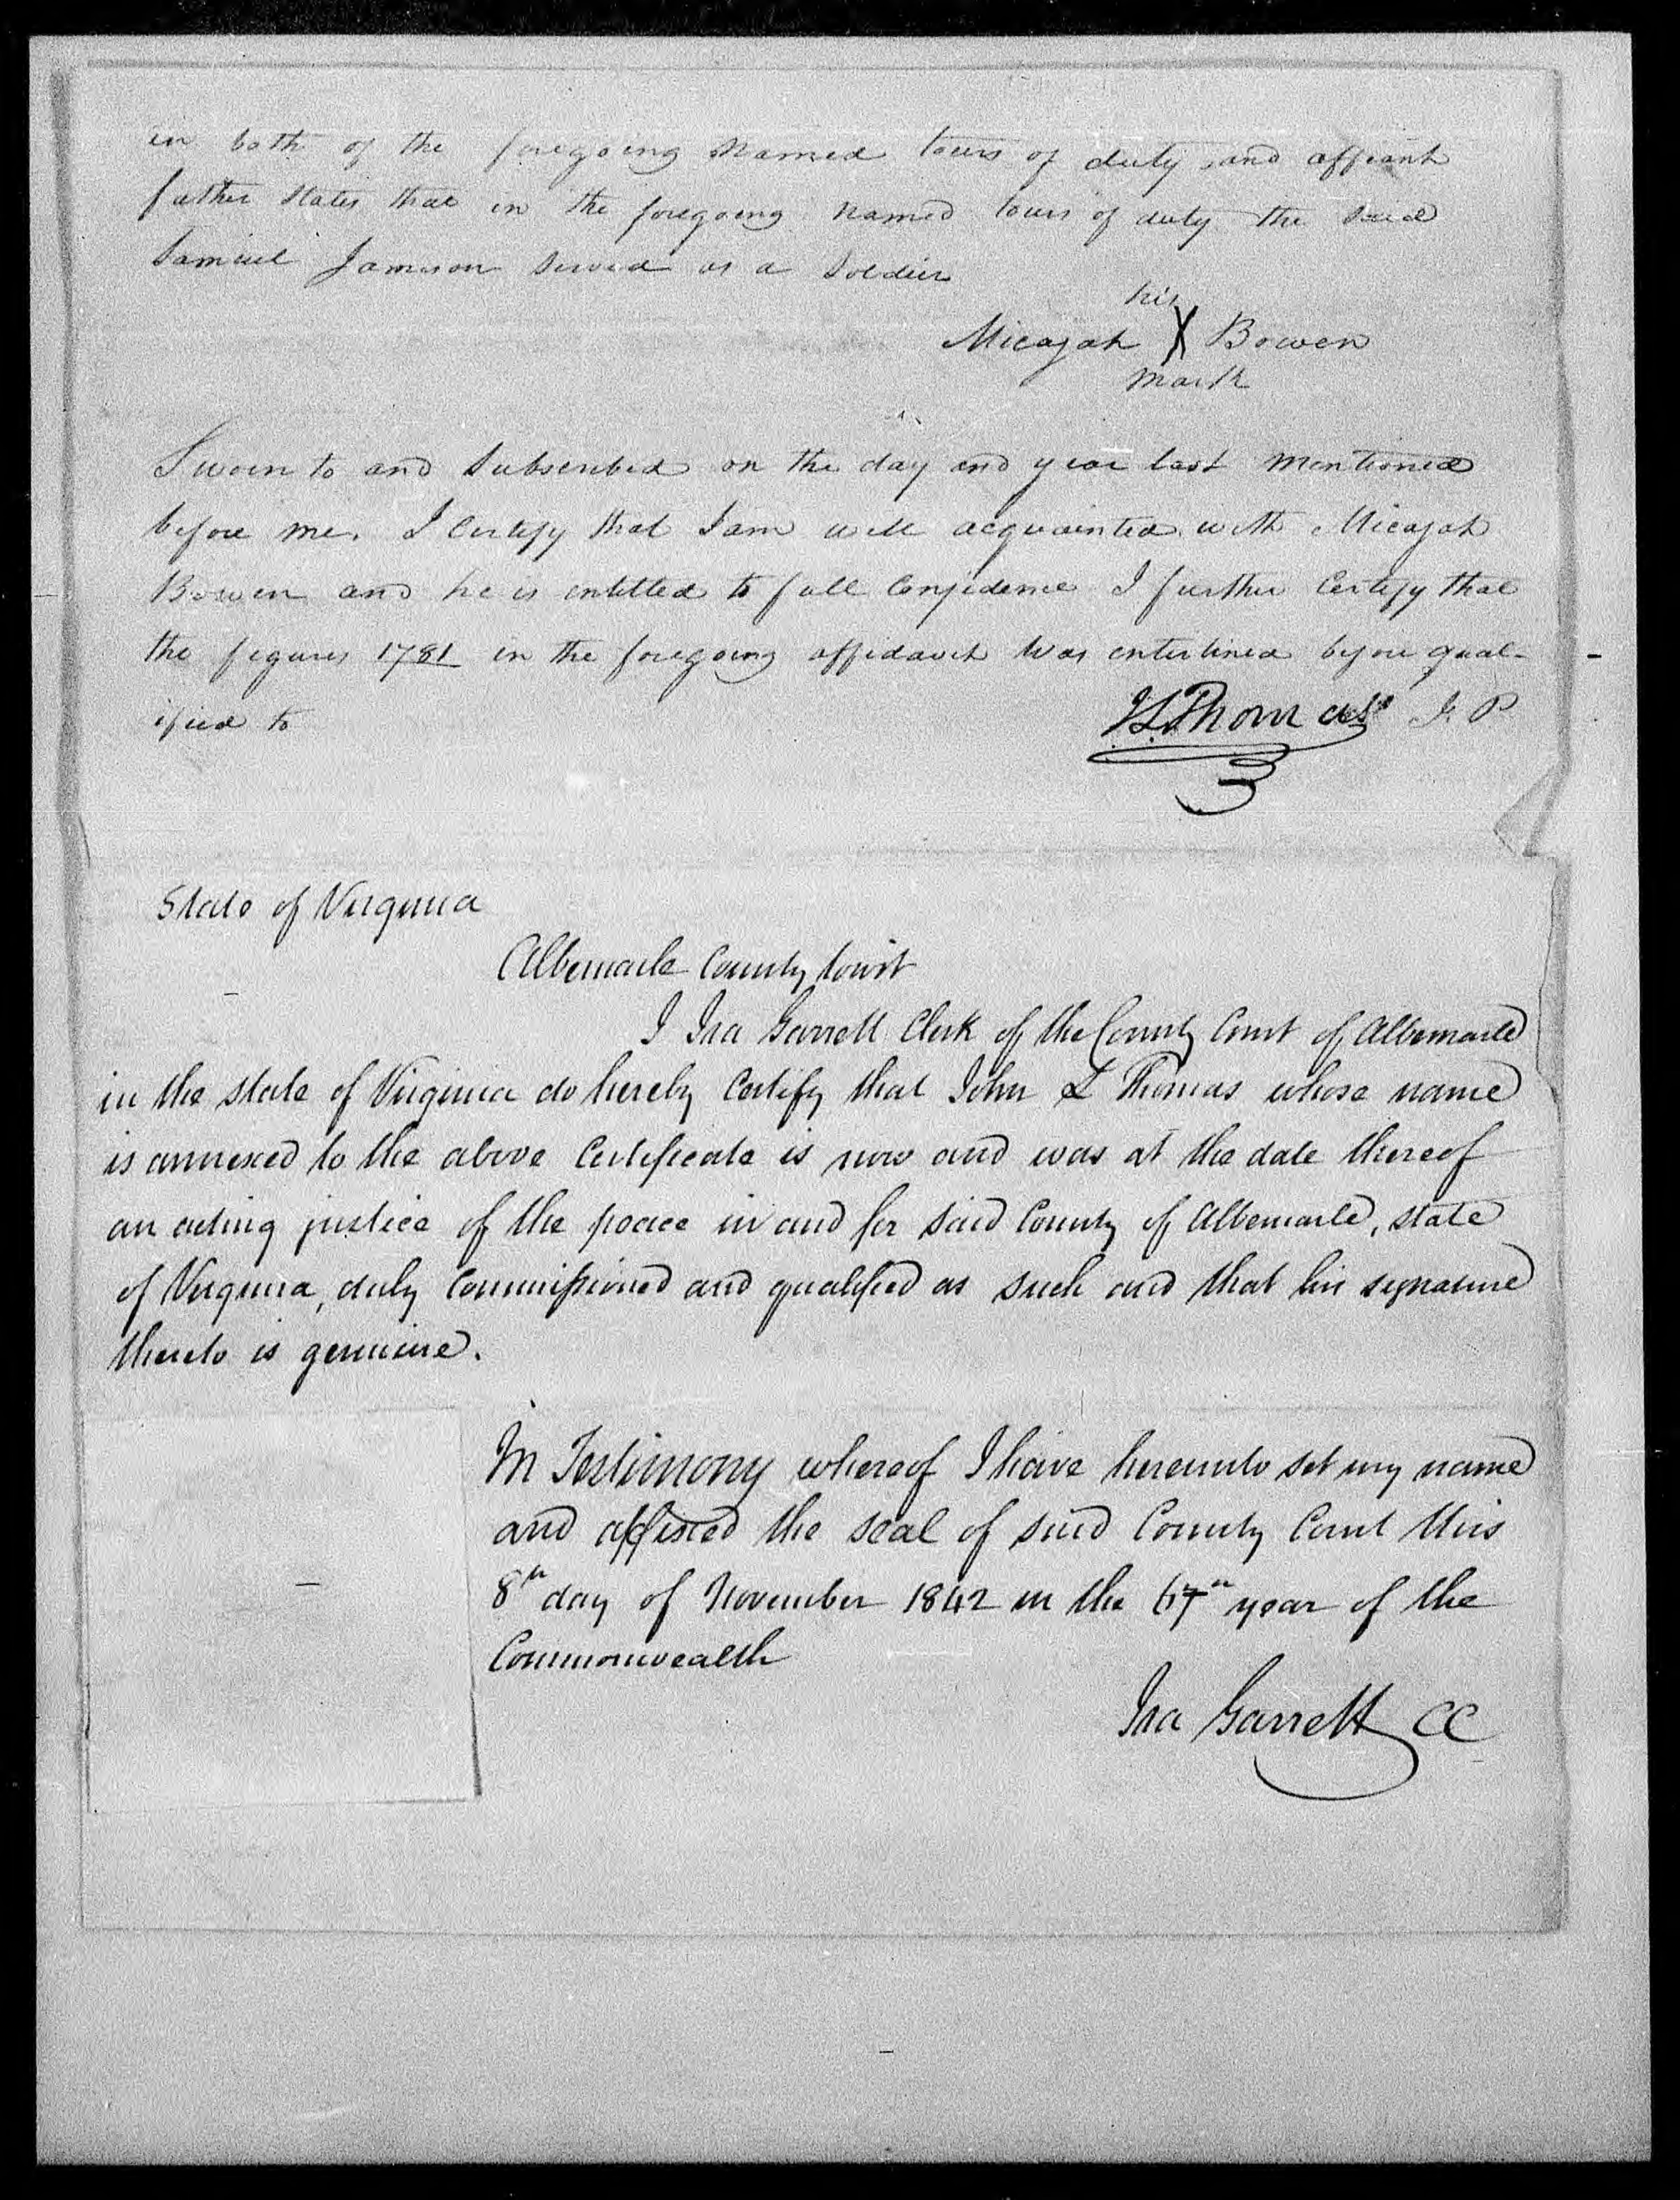in both of the foregoing named tours of duty and affiant
further states that in the foregoing named tours of duty the said
Samuel Jameson served as a soldier.
Micajah his X mark Bowen

Sworn to and subscribed on the day and year last mentioned
before me.  I certify that I am well acquainted with Micajah
Bowen and he is entitled to full confidence.  I further certify that 
the figure 1781 in the foregoing affidavit was enterlined before qualified
to
J.S. Thomas J.P.

State of Virginia
Albermarle County to wit
  I Ira Garrell Clerk of the County Court of Albermarle
in the State of Virginia do hereby Certify that John S. Thomas whose name
is annexed to the above Certificate is now and was at the date thereof
an acting justice of the peace in and for the said County of Albermarle, state
of Virginia, duly Commissioned and qualified as such and that his signature
thereto is genuine.
In Testimony whereof I have hereunto set my name 
and affixed the seal of said county Court this
8th day of November 1842 in the 67th year of the
Commonwealth
Ira Garrett CC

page: 23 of 28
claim: widow's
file: W. 5112, for Samuel Jamieson, Virginia